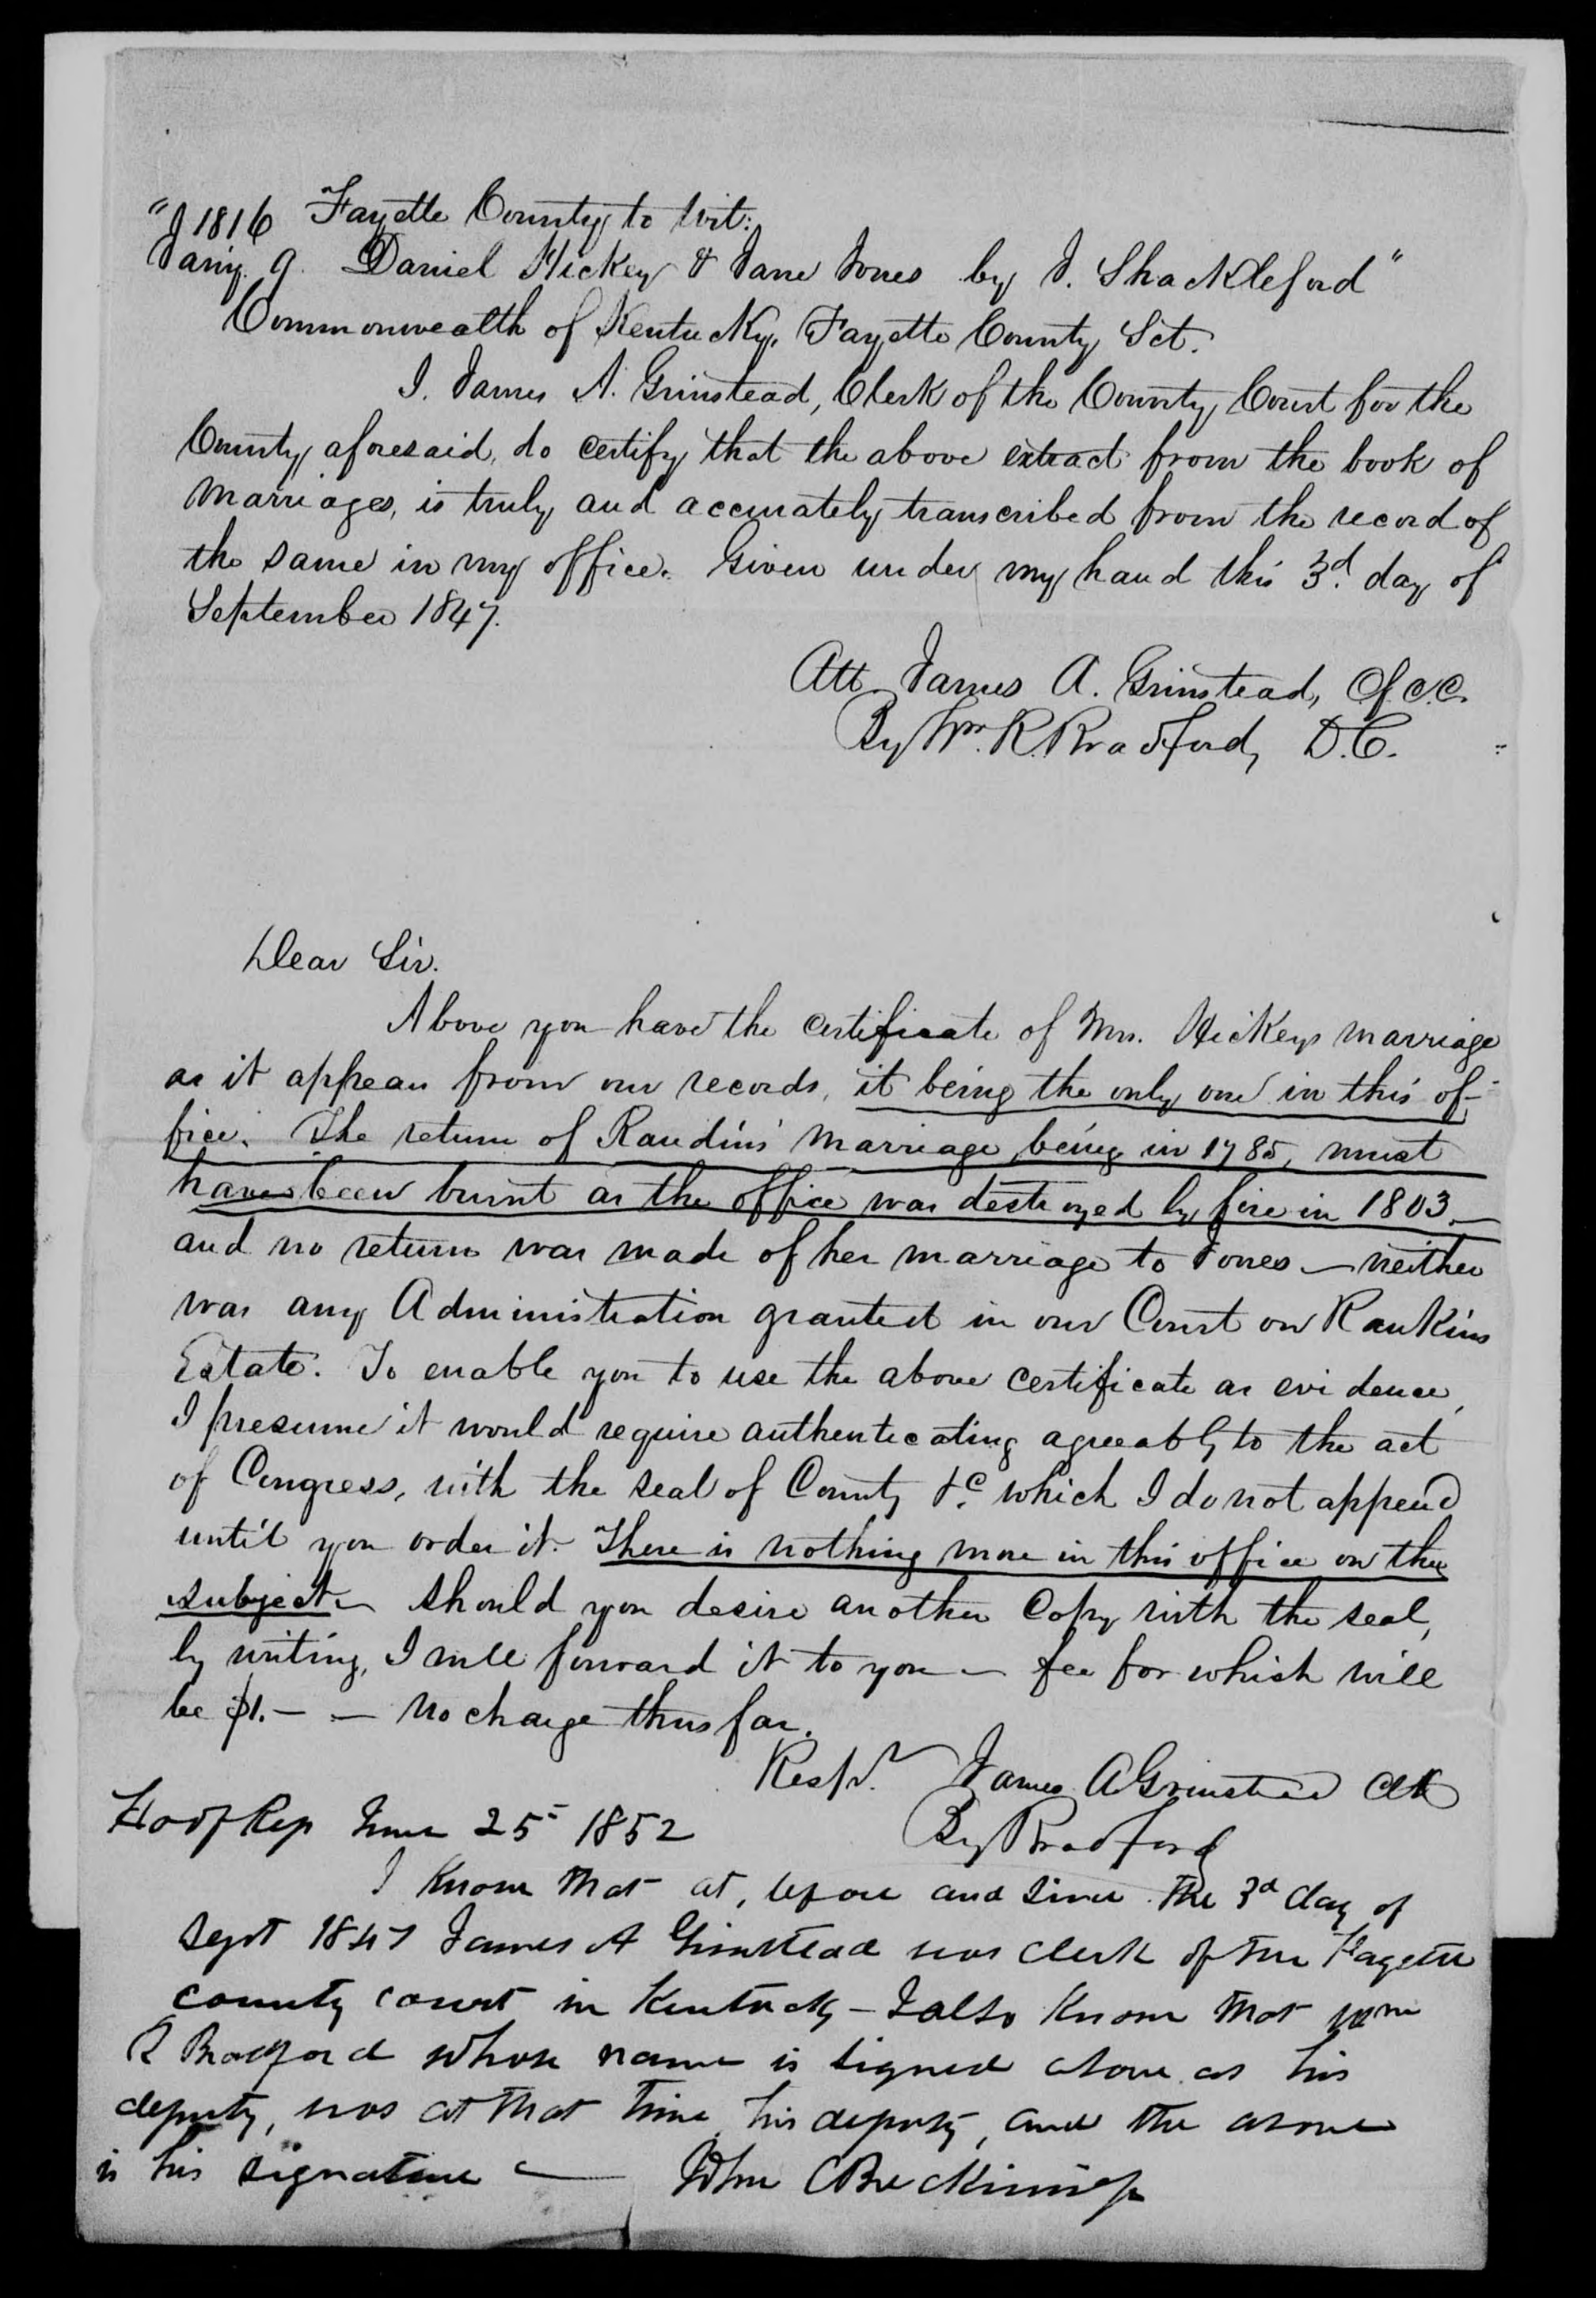"1816 Jan'y 9
Fayette County to wit:
Jany 9. Daniel Hickey & Jane Jones by J. Shackleford"
Commonwealth of Kentucky, Fayette County Sct.
I, James A. Grinstead, Clerk of the County Court for the County aforesaid, do certify that the above extract from the book of marriages, is truly and accurately transcribed from the record of the same in my office. Given under my hand this 3d day of September 1847
Att James A. Grinstead, C.F.C.C.
By Wm R. Bradford D.C.
Dear Sir
Above you have the certificate of Mrs. Hickeys Marriage as it appears from our records, it being the only one in this office, The return of Randins Marriage being in 1785, must have been burnt as the office was destroyed by fire in 1803 and no return was made of her marriage to Jones - neither was any administration granted in our Court on Rankins
Estate. To enable you to use the above certificate as evidence, I presume it would require authenticating agreeably to the act
of Congress, with the seal of County & which I do not append until you order it. There is nothing more in this office on the subject. should you desire another Copy with the seal,
by writing, I will forward it to you-- fee for which will be $1.-- no charge thus far,
Resp. James A Grinstead Clk
by Bradford
Hs of Rep June 25 1852
I know that at, before and since the 3d day of
Sept 1847 James A Grinstead was Clerk of the Fayette County Court in Kentucky - I also know that Wm R Bradford whose name is signed above as his deputy, was at that time his deputy, and the same in his signature-
John C. Breckenridge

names: James A Grinstead, Jane Jones, Daniel Hickey, Wm R Bradford, James A Grinstead, John C Breckinnop, Hickey, James A Grinstead, James A Grinstead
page: 36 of 84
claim: widow's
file: W. 7744, Daniel Hickey, Penn.